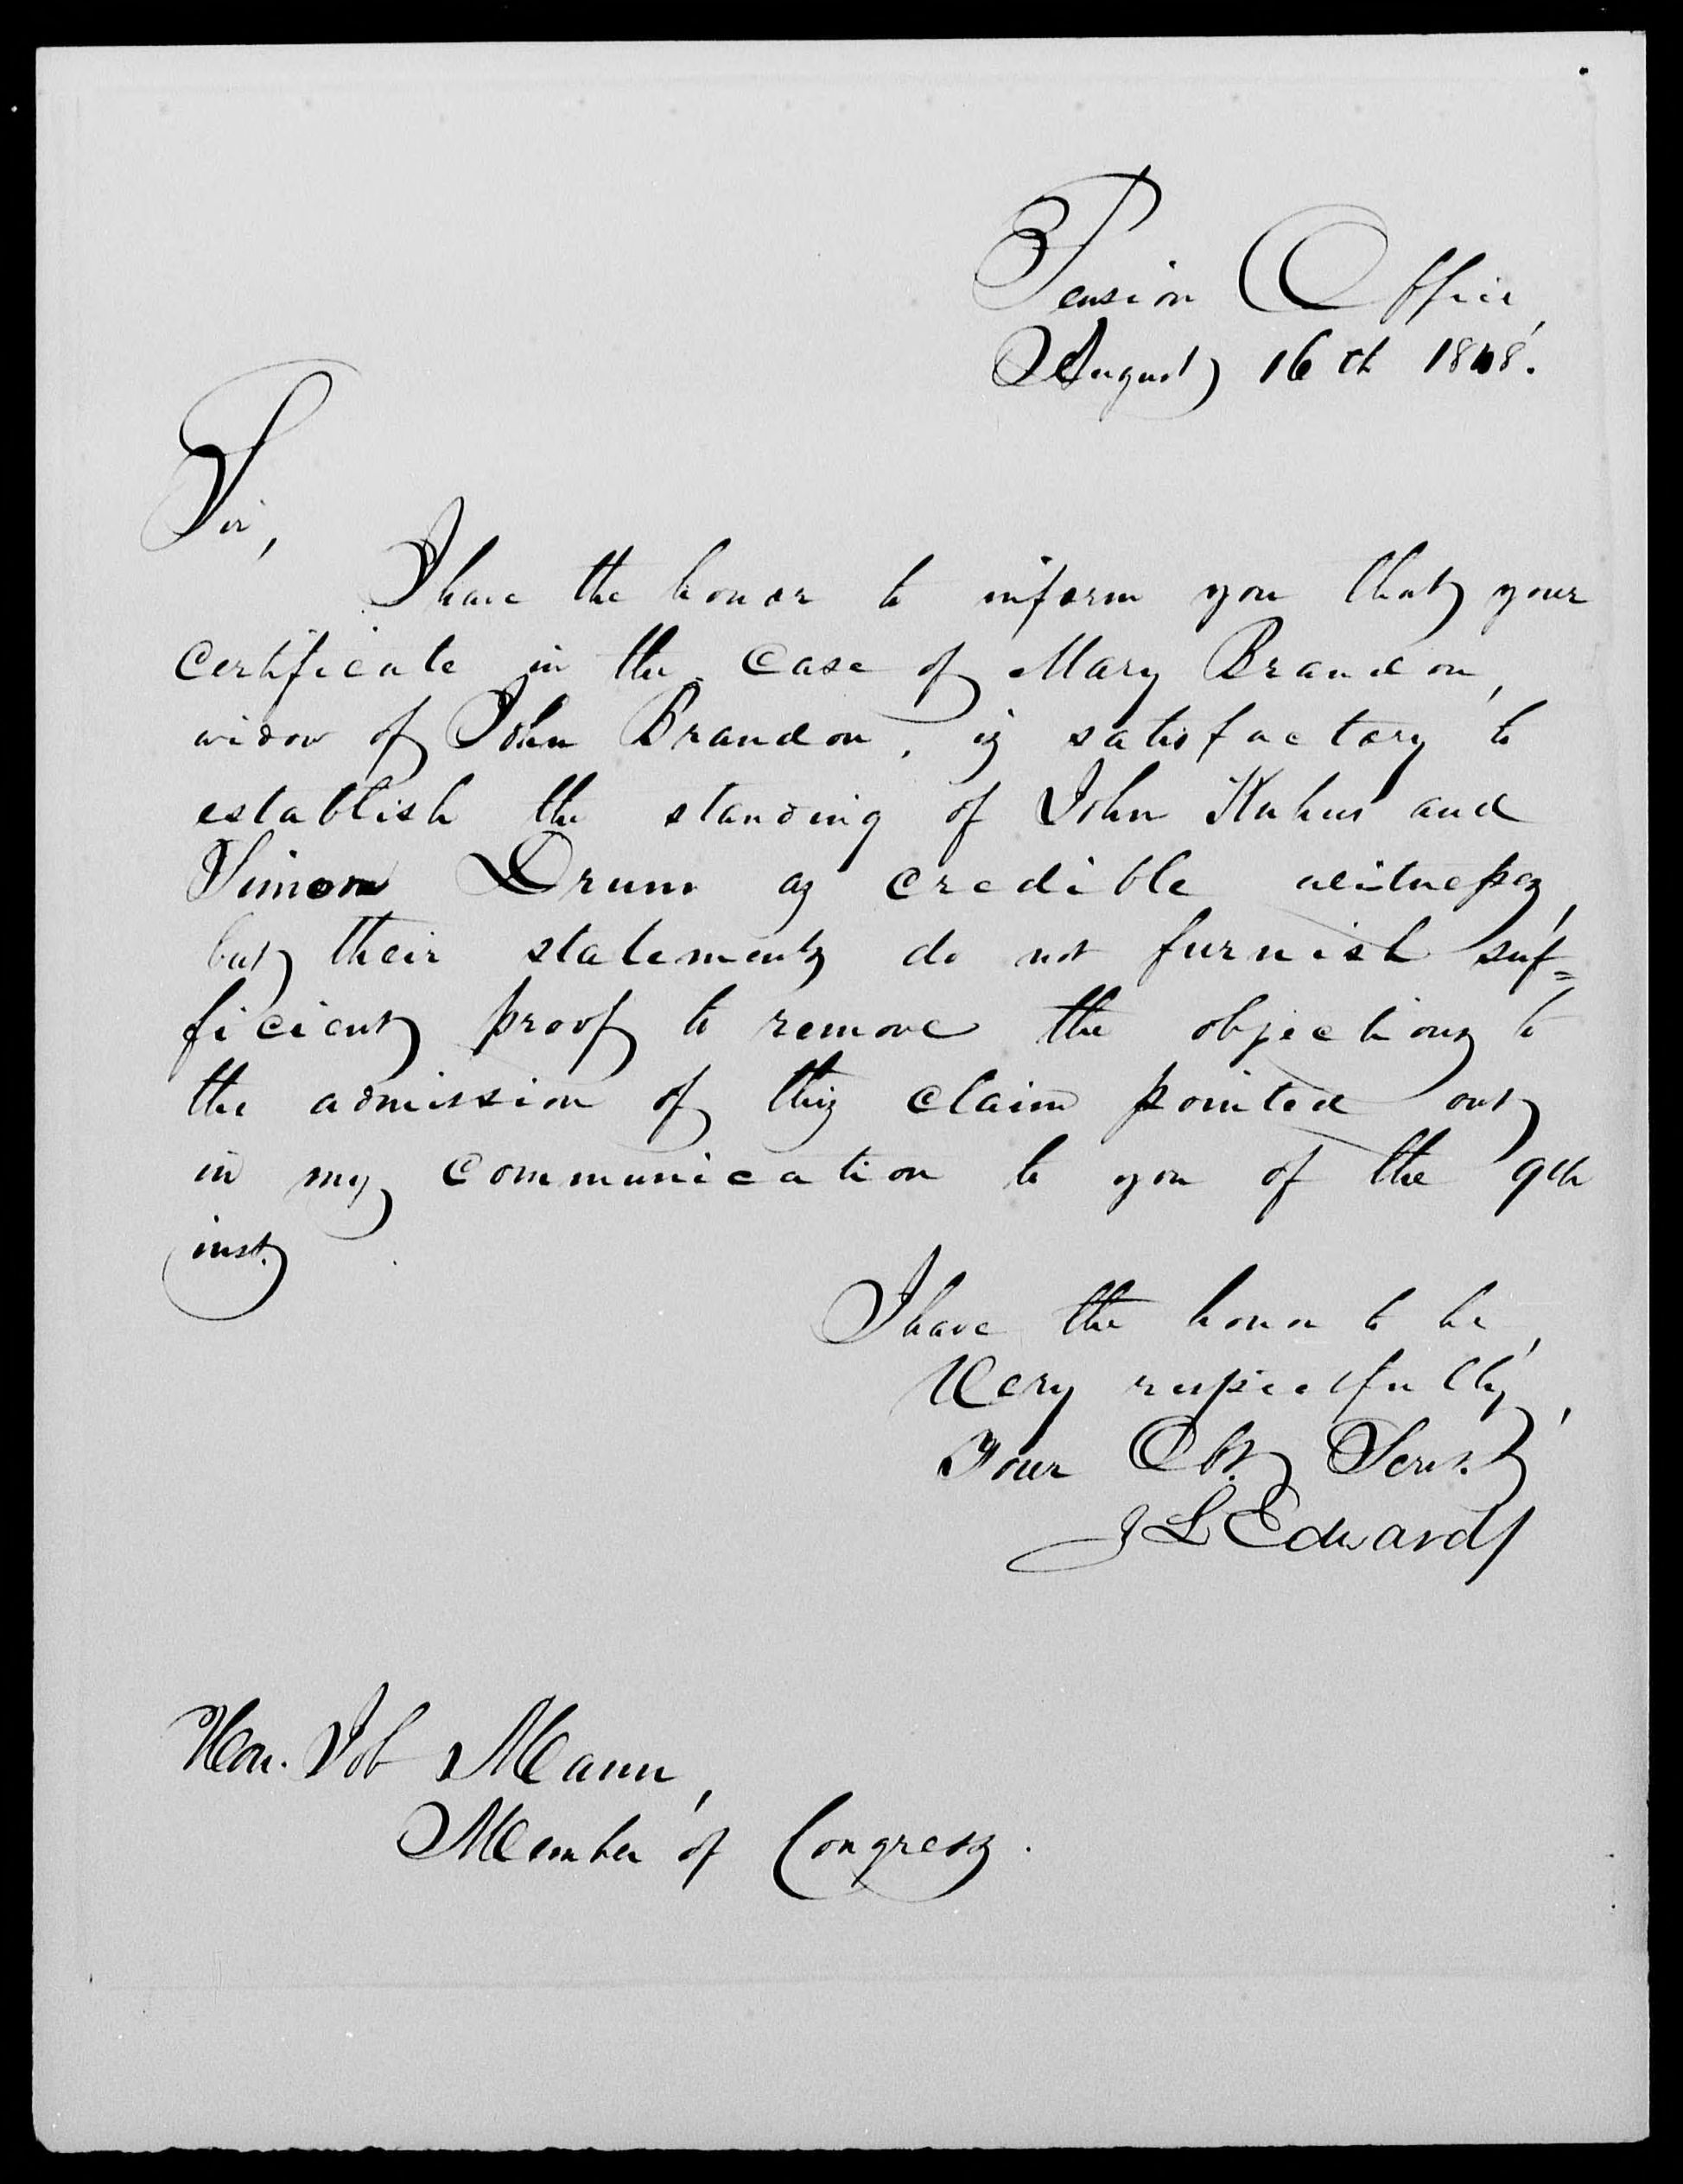Pension Office
August 16th 1848.
Sir,
I have the honor to inform you that your certificate in the case of Mary Brandon widow of John Brandon, is satisfactory to establish the standing of John Kuhns and Simon Drum as credible witnesses but their statements do not furnish sufficient proof to remove the objections to the admission of this claim pointed out in my communication to you of the 9th inst.
I have the honor to be,
Very respectfully,
Your obt. Servt.
JL Edwards

Hon. Job Mann
Member of Congress.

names: J L Edwards, John Kuhns, Simon Drum, John Brandon, Mary Brandon, Job Mann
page: 29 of 83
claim: widow's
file: W. 5946, John Brandon, Penn